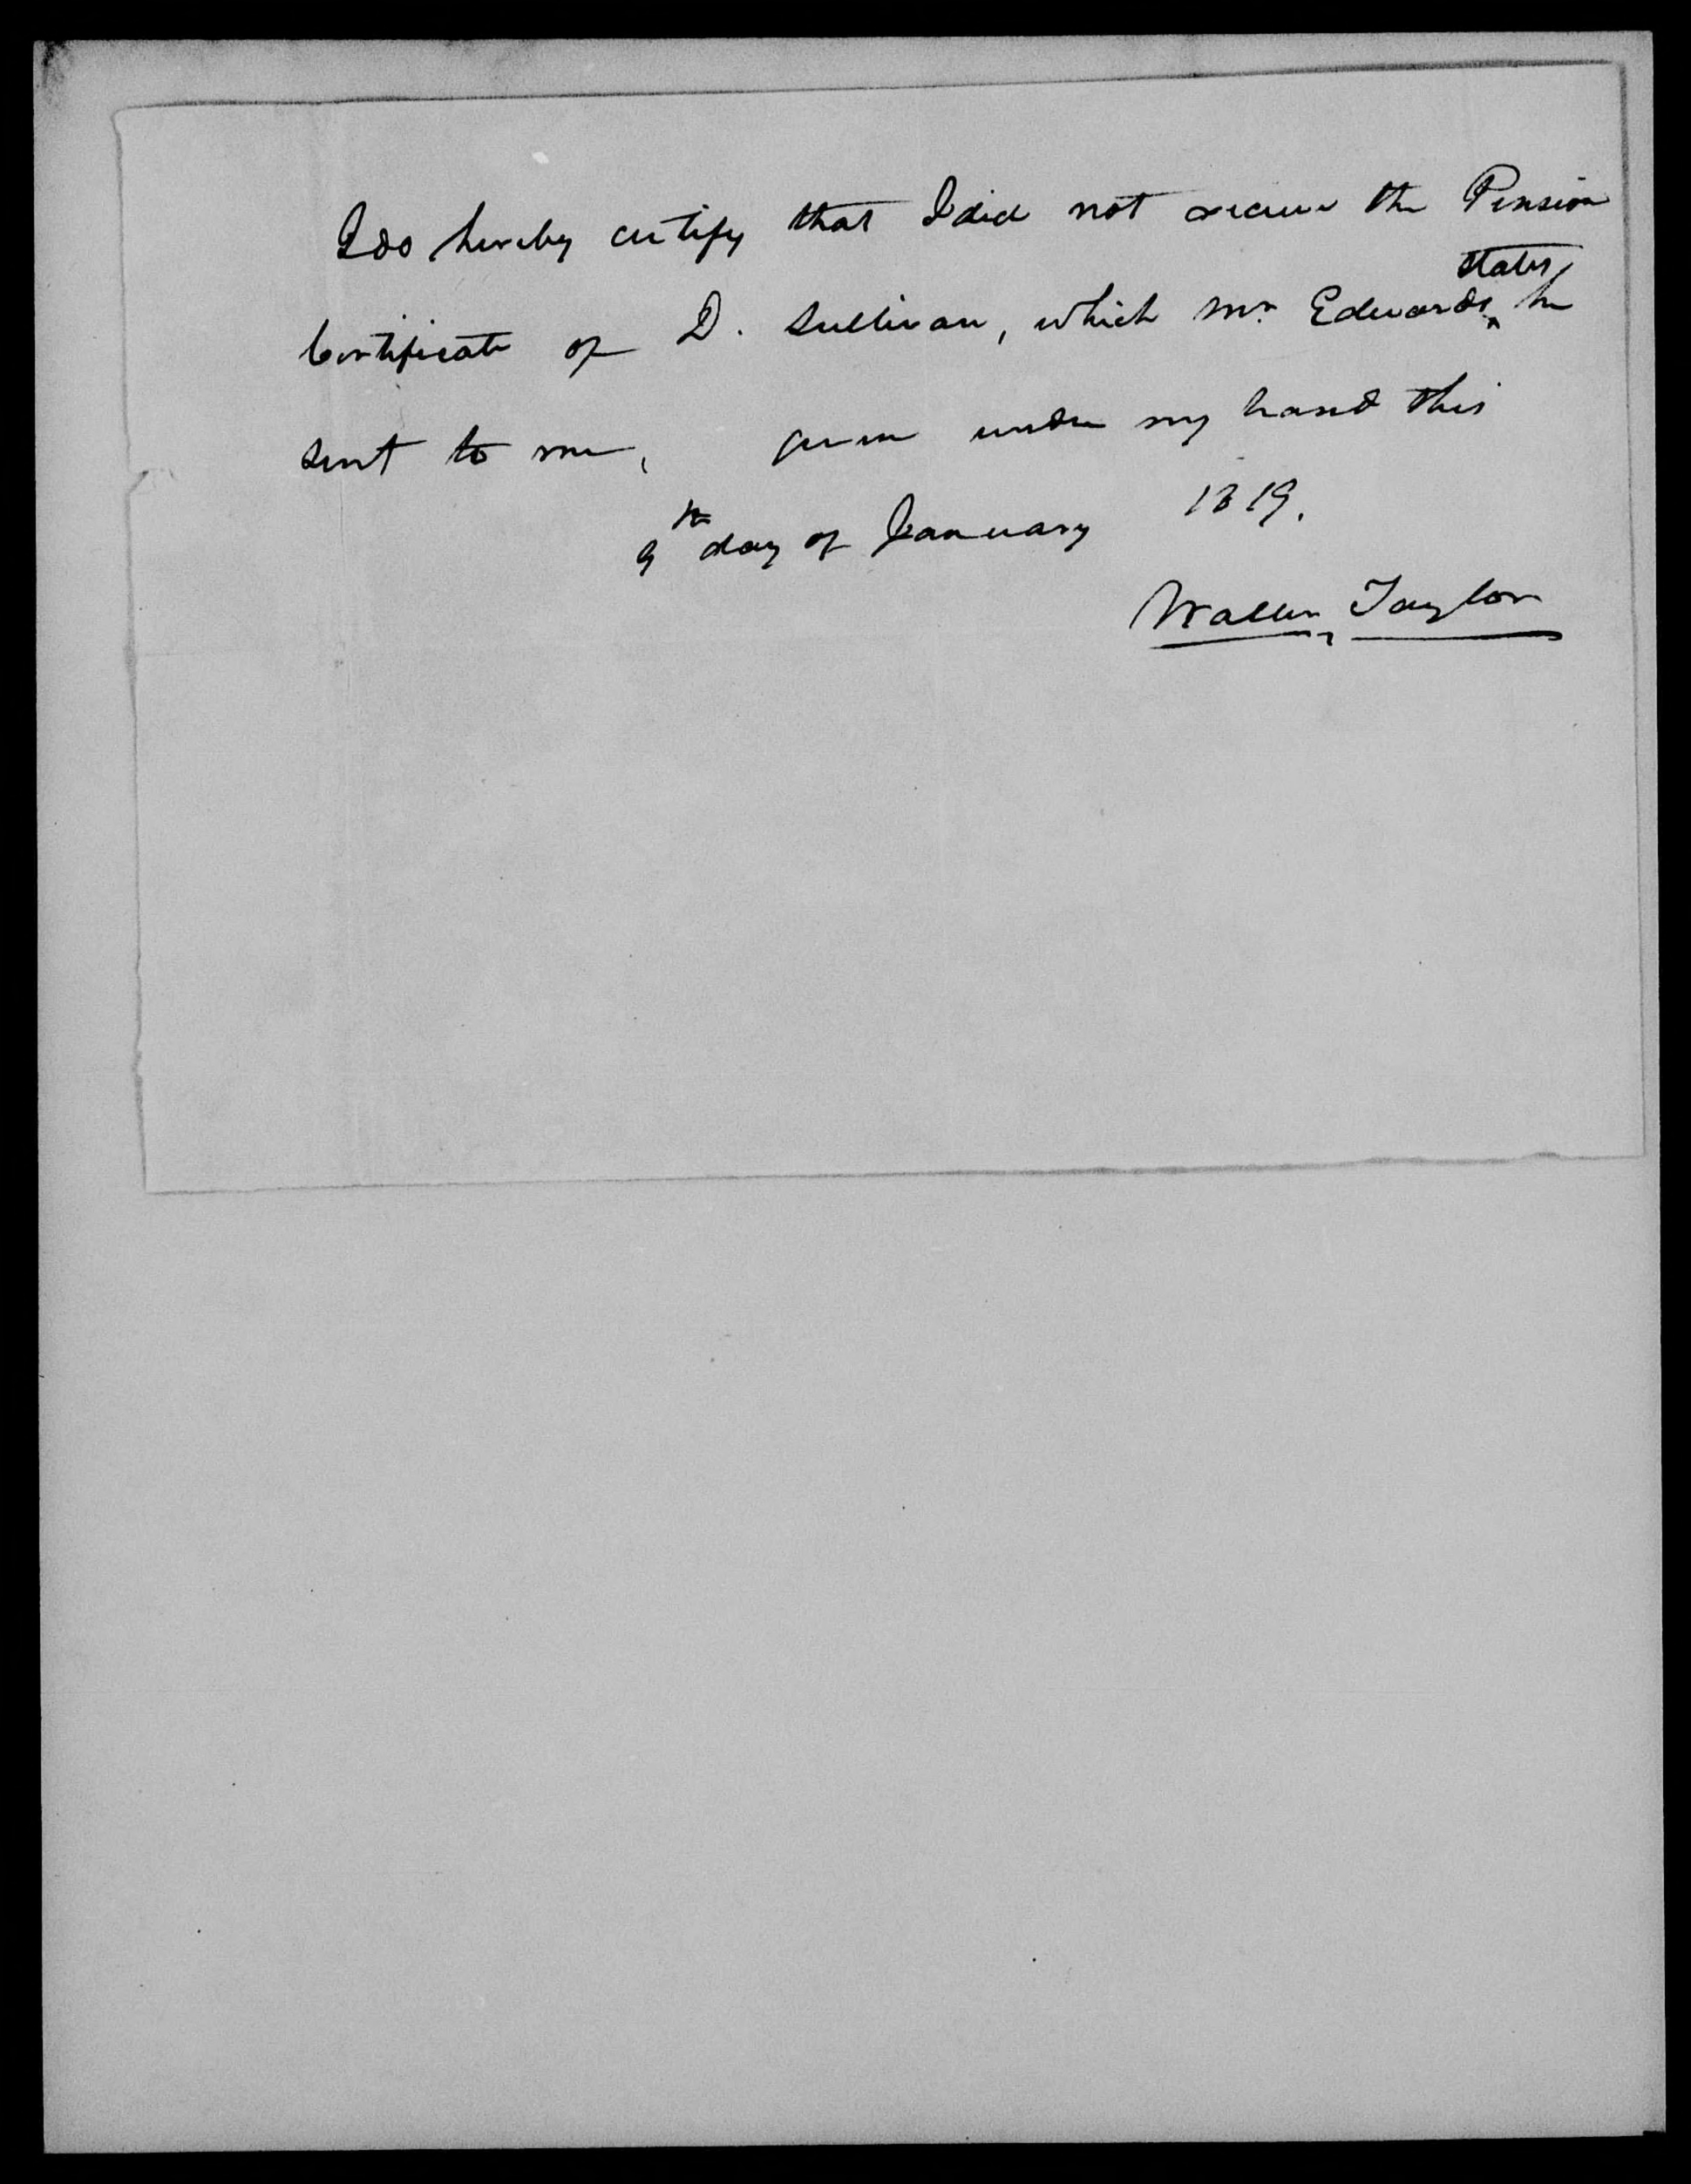I do hereby certify that I did not receive the Pension Certificate of D. Sullivan, which Mr. Edwards states he sent to me, sworn under my hand this 9th day of January 1819.

[signed] Walter Taylor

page: 40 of 78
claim: widow's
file: W. 25,169, for Daniel Sullivan, Maryland